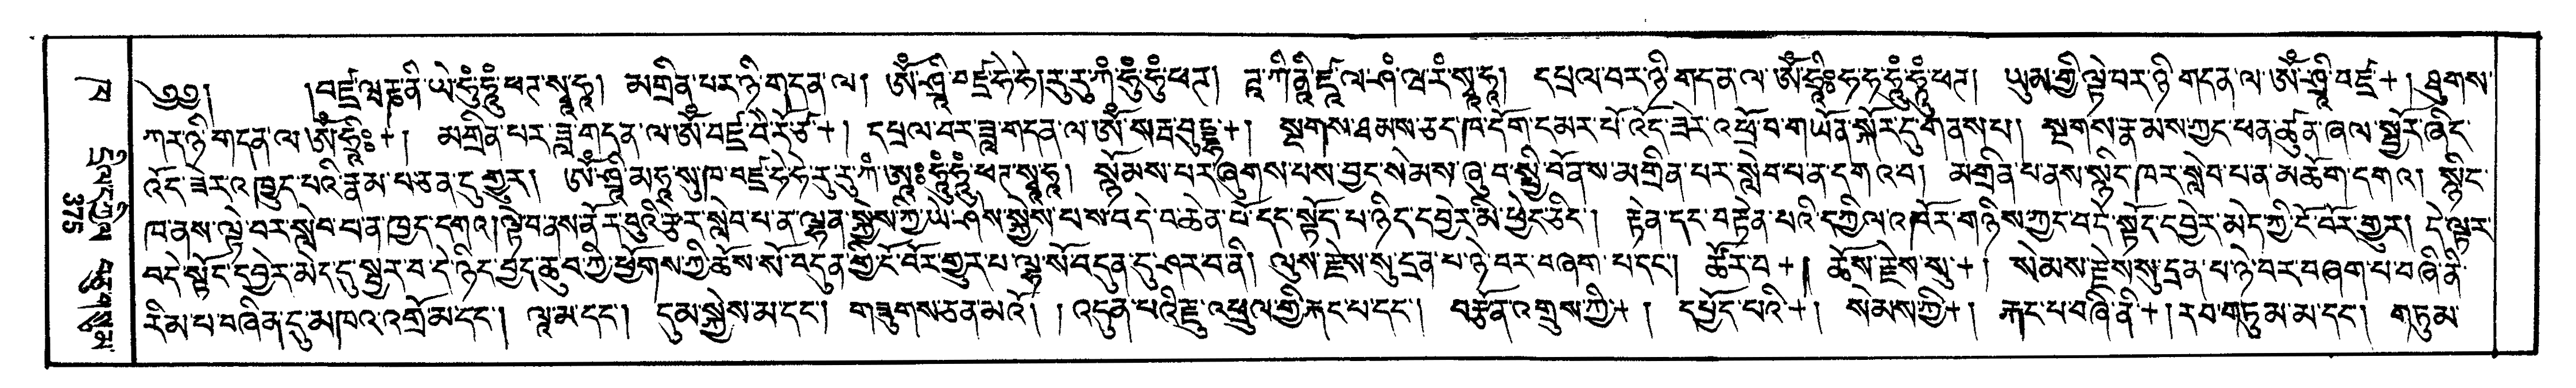༄༅། །བཛྲ་ཝརྞ་ནི་ཡེ་ཧུཾ་ཧཱུཾ་ཕཊ་སྭཱ་ཧཱ། མགྲིན་པར་ཉི་གདན་ལ། ཨོཾ་ཤྲཱི་བཛྲ་ཧེ་ཧེ། རུ་རུ་ཀཾ་ཧུཾ་ཧུཾ་ཕཊ། ཌཱ་ཀི་ནཱི་ཛཱ་ལ་ཤཾ་ཝ་རཾ་སྭཱ་ཧཱ། དཔྲལ་བར་ཉི་གདན་ལ་ཨོཾ་ཧྲཱིཿ ཧ་ཧ་ཧུཾ་ཧུཾ་ཕཊ། ཡུམ་གྱི་ལྟེ་བར་ཉི་གདན་ལ་ཨོཾ་ཤྲཱི་བཛྲ་+། ཐུགས་
ཀར་ཉི་གདན་ལ་ཨོཾ་ཧྲཱིཿ +། མགྲིན་པར་ཟླ་གདན་ལ་ཨོཾ་བཛྲ་བཻ་རོ་ཙ་+། དཔྲལ་བར་ཟླ་གདན་ལ་ཨོཾ་སརྦ་བུདྡྷ་+། སྔགས་ཐམས་ཅད་ཁ་དོག་དམར་པོ་འོད་ཟེར་འཕྲོ་བ་གཡོན་སྐོར་དུ་གནས་པ། སྔགས་རྣམས་ཀྱང་ཕན་ཚུན་ཞལ་སྦྱོར་ཞིང་
འོད་ཟེར་འཁྱུད་པའི་རྣམ་པ་ཅན་དུ་གྱུར། ཨོཾ་ཤྲཱི་མ་ཧཱ་སུ་ཁ་བཛྲ་ཧེ་ཧེ་རུ་རུ་ཀཾ་ཨཱཿ ཧཱུཾ་ཧཱུཾ་ཕཊ་སྭཱ་ཧཱ། སྙོམས་པར་ཞུགས་པས་བྱང་སེམས་ཞུ་བ་སྤྱི་བོ་ནས་མགྲིན་པར་སླེབ་པ་ན་དགའ་བ། མགྲིན་པས་ནས་སྙིང་ཁར་སླེབ་པ་ན་མཆོག་དགའ། སྙིང་
ཁ་ནས་ལྟེ་བར་སླེབ་པ་ན་ཁྱད་དགའ། ལྟེ་བ་ནས་ནོར་བུའི་རྩེར་སླེབ་པ་ན་ལྷན་སྐྱེས་ཀྱི་ཡེ་ཤེས་སྐྱེས་པས་བདེ་བ་ཆེན་པོ་དང་སྟོང་པ་ཉིད་དབྱེར་མི་ཕྱེད་ཅིང་། རྟེན་དང་བརྟེན་པའི་དཀྱིལ་འཁོར་གཉིས་ཀྱང་བདེ་སྟོང་དབྱེར་མེད་ཀྱི་ངོ་བོར་གྱུར། དེ་ལྟར་
བདེ་སྟོང་དབྱེར་མེད་དུ་སྦྱར་བ་དེ་ཉིད་བྱང་ཆུབ་ཀྱི་ཕྱོགས་ཀྱི་ཆོས་སོ་བདུན་གྱི་ངོ་བོར་གྱུར་པ་ལྷ་སོ་བདུན་དུ་ཤར་བ་ནི། ལུས་རྗེས་སུ་དྲན་པ་ཉེ་བར་བཞག་པ་དང་། ཚོར་བ་+། ཆོས་རྗེས་སུ་+། སེམས་རྗེས་སུ་དྲན་པ་ཉེ་བར་བཞག་པ་བཞི་ནི་
རིམ་པ་བཞིན་དུ་མཁའ་འགྲོ་མ་དང་། ལཱ་མ་དང་། དུམ་སྐྱེས་མ་དང་། གཟུགས་ཅན་མའོ། །འདུན་པའི་རྫུ་འཕྲུལ་གྱི་རྐང་པ་དང་། བརྩོན་འགྲུས་ཀྱི་+། དཔྱོད་པའི་+། སེམས་ཀྱི་+། རྐང་པ་བཞི་ནི་+། རབ་གཏུམ་མ་དང་། གཏུམ་